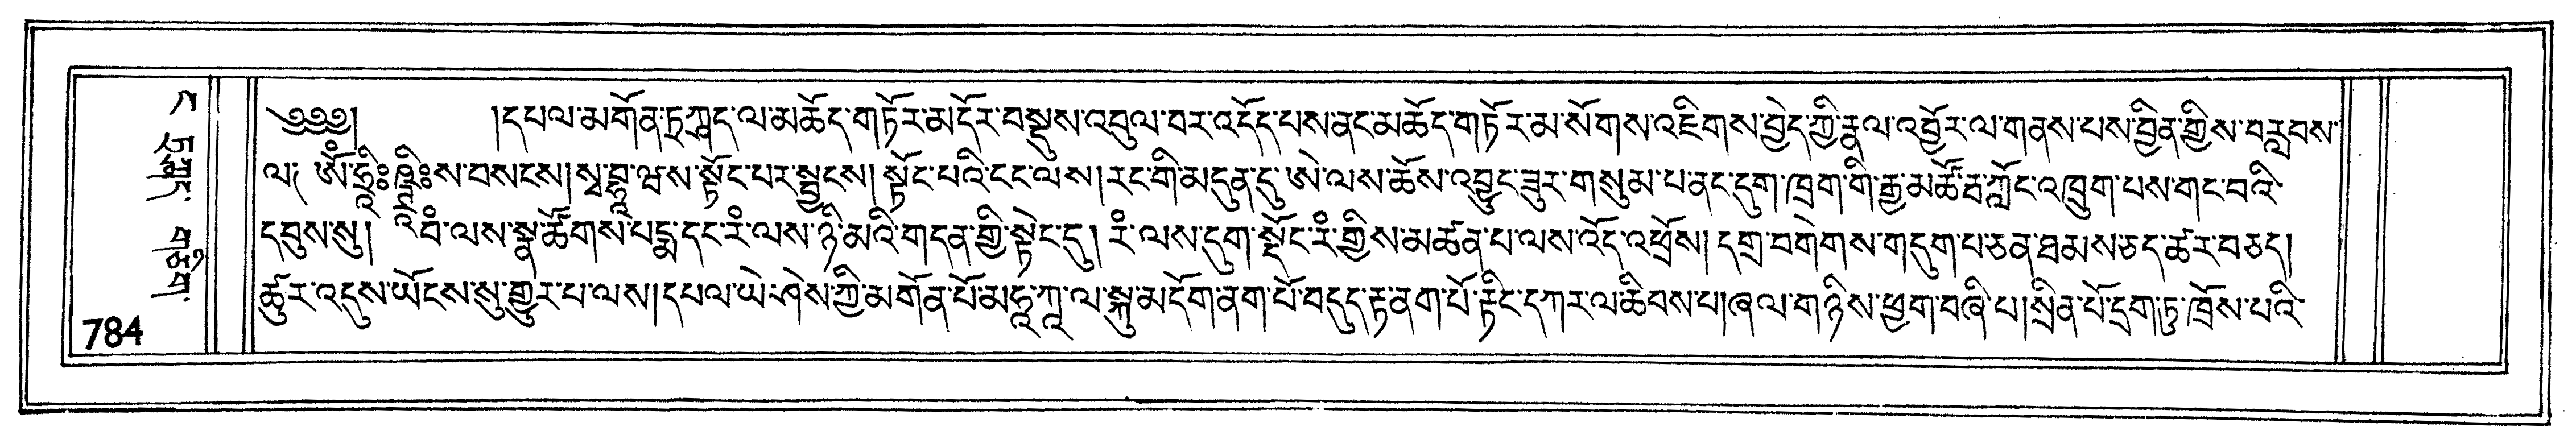༄༅༅། །དཔལ་མགོན་ཏྲཀྴད་ལ་མཆོད་གཏོར་མདོར་བསྡུས་འབུལ་བར་འདོད་པས་ནང་མཆོད་གཏོར་མ་སོགས་འཇིགས་བྱེད་ཀྱི་རྣལ་འབྱོར་ལ་གནས་པས་བྱིན་གྱིས་བརླབས་
ལ༑ ཨོཾ་ཧྲཱིཿ ཥྚྲཱིཿ ས་བསངས། སྭ་བྷཱ་ཝས་སྟོང་པར་སྦྱངས། སྟོང་པའི་ངང་ལས། རང་གི་མདུན་དུ་ཨེ་ལས་ཆོས་འབྱུང་ཟུར་གསུམ་པ་ནང་དུག་ཁྲག་གི་རྒྱ་མཚོ་རྦ་ཀློང་འཁྲུག་པས་གང་བའི་
དབུས་སུ། བཾ་ལས་སྣ་ཚོགས་པདམ་དང་རཾ་ལས་ཉི་མའི་གདན་གྱི་སྟེང་དུ། རཾ་ལས་དུག་སྡོང་རཾ་གྱིས་མཚན་པ་ལས་འོད་འཕྲོས། དགྲ་བགེགས་གདུག་པ་ཅན་ཐམས་ཅད་ཚར་བཅད།
ཚུར་འདུས་ཡོངས་སུ་གྱུར་པ་ལས། དཔལ་ཡེ་ཤེས་ཀྱི་མགོན་པོ་མཧཱ་ཀཱ་ལ་སྐུ་མདོག་ནག་པོ་བདུད་རྟ་ནག་པོ་རྟིང་དཀར་ལ་ཆིབས་པ། ཞལ་གཉིས་ཕྱག་བཞི་པ། སྲིན་པོ་དྲག་ཏུ་ཁྲོས་པའི་